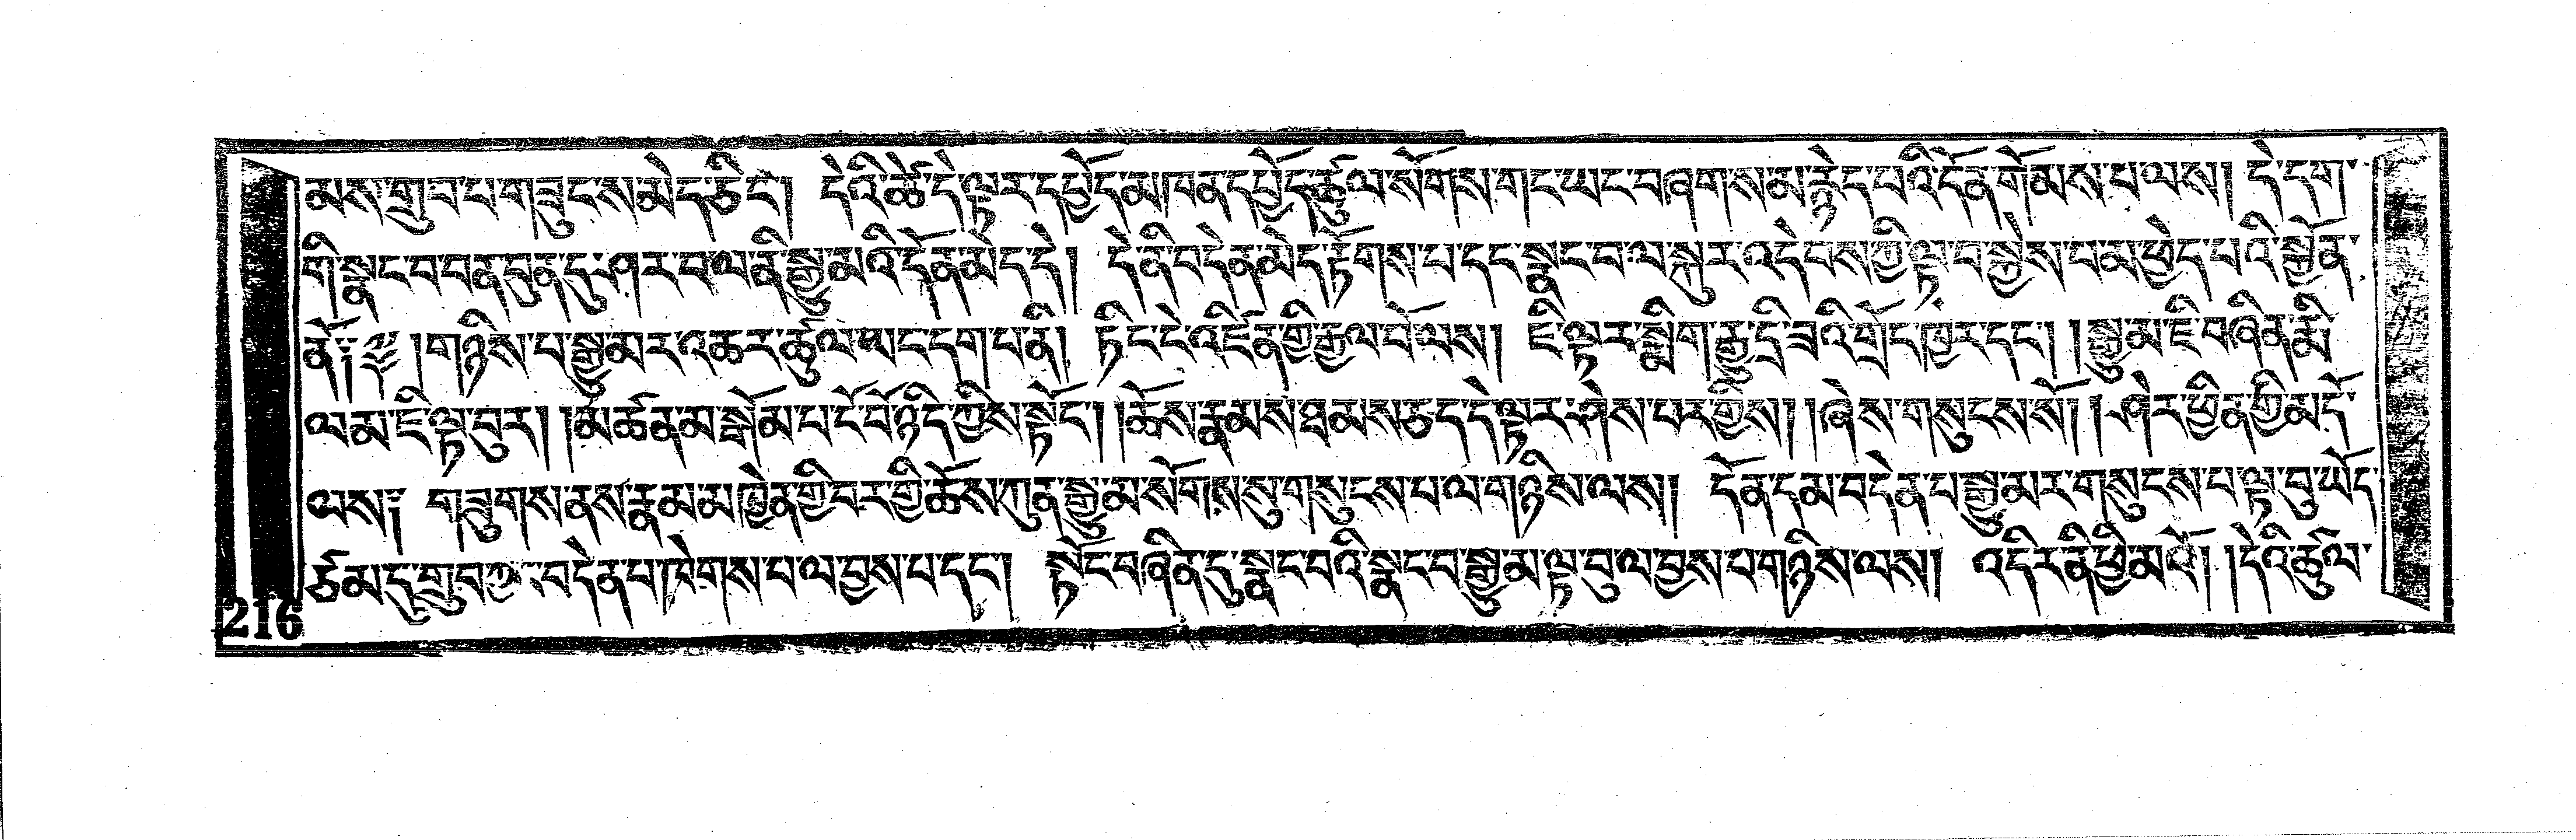མས་གྲུབ་པ་གཟུང་ས་མེད་ཅིང་། དེའི་ཚེ་དེ་ལྟར་དཔྱོད་མཁན་དཔྱོད་ཚུལ་སོགས་གང་ཡང་བཞགས་མ་རྙེད་པའི་དོན་གོམས་པ་ལས། དེ་དག་
གི་སྣང་བ་བན་བུན་དུ་ཤར་བ་ལ་ནི་སྒྱུ་མའི་དོན་མེད་དེ། དེ་ནི་བདེན་མེད་རྟོགས་པ་དང་སྣང་བ་ལ་སྐུར་འདེབས་ཀྱི་ལྟ་བ་སྐྱེས་པ་མ་ཕྱེད་པའི་སྐྱོན་
ནོ༑ ༈ །གཉིས་པ་སྒྱུ་མར་འཆར་ཚུལ་ཡང་དག་པ་ནི། ཏིང་ངེ་འཛིན་གྱི་རྒྱལ་པོ་ལས། ཇི་ལྟར་སྨིག་རྒྱུ་དྲི་ཟའི་གྲོང་ཁྱེར་དང་། །སྒྱུ་མ་ཇི་བཞིན་རྨི་
ལམ་ཇི་ལྟ་བུར། །མཚན་མ་སྒོམ་པ་ངོ་བོ་ཉིད་ཀྱིས་སྟོང་། །ཆོས་རྣམས་ཐམས་ཅད་དེ་ལྟར་ཤེས་པར་གྱིས། །ཞེས་གསུངས་སོ། །ཤེར་ཕྱིན་གྱི་མདོ་
ལས༑ གཟུགས་ནས་རྣམ་མཁྱེན་གྱི་བར་གྱི་ཆོས་ཀུན་སྒྱུ་མ་སོགས་སུ་གསུངས་པ་ལ་གཉིས་ལས། དོན་དམ་བདེན་པ་སྒྱུ་མར་གསུངས་པ་ལྟ་བུ་ཡོད་
ཙམ་དུ་གྲུབ་ཀྱང་བདེན་པ་ཁེགས་པ་ལ་བྱས་པ་དང་། སྟོང་བཞིན་དུ་སྣང་བའི་སྣང་བ་སྒྱུ་མ་ལྟ་བུ་ལ་བྱས་པ་གཉིས་ལས། འདིར་ནི་ཕྱི་མའོ། །དེའི་ཚུལ་